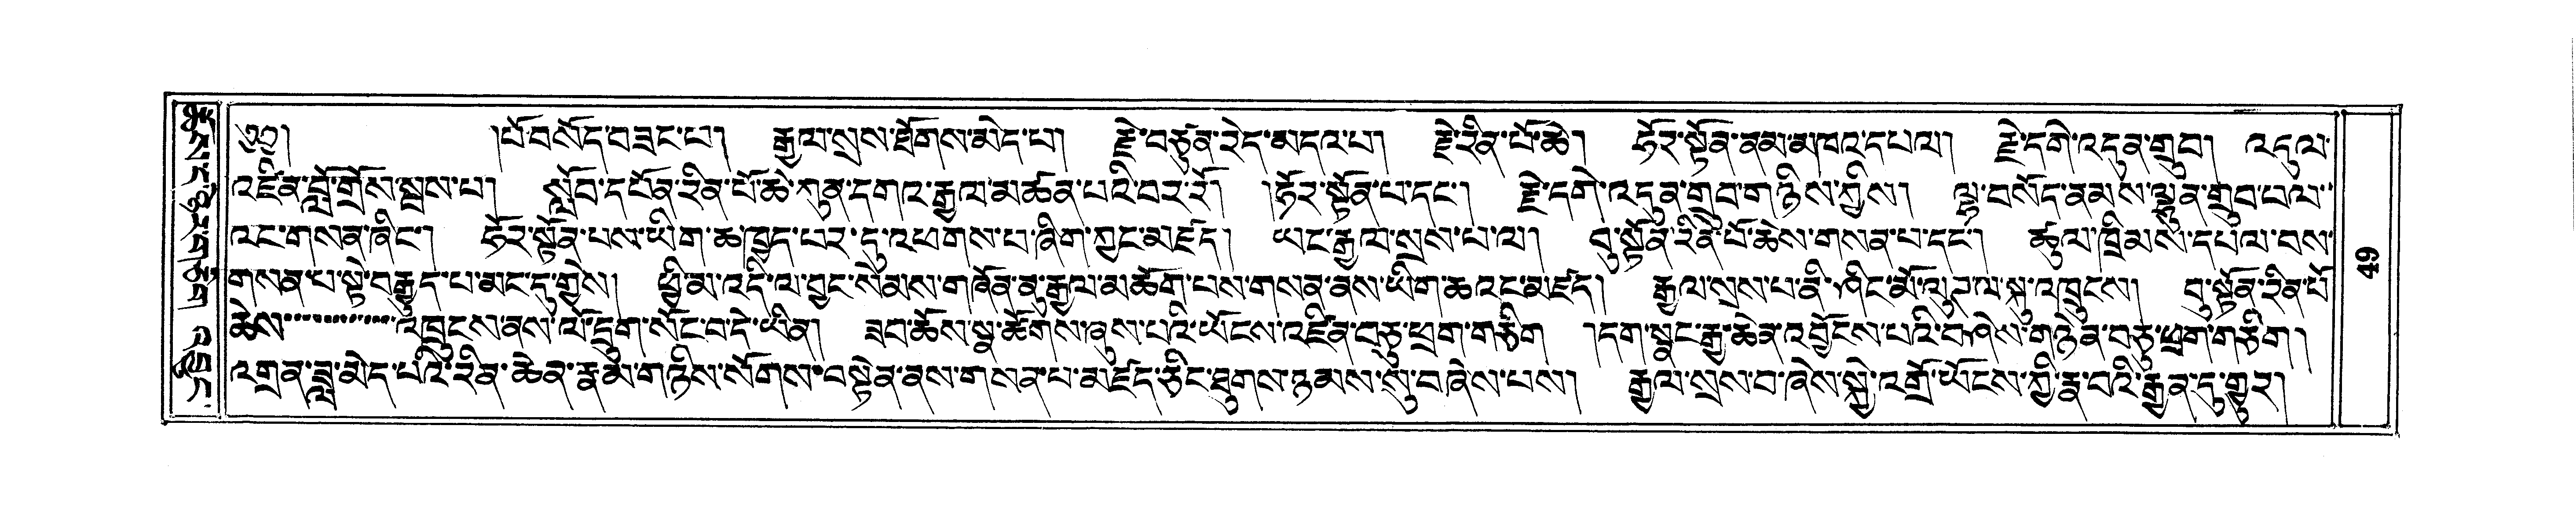༄༅། །པོ་བསོད་བཟང་པ། རྒྱལ་སྲས་ཐོགས་མེད་པ། རྗེ་བཙུན་རེད་མདའ་པ། རྗེ་རིན་པོ་ཆེ། ཧོར་སྟོན་ནམ་མཁའ་དཔལ། རྗེ་དགེ་འདུན་གྲུབ། འདུལ་
འཛིན་བློ་གྲོས་སྦས་པ། སློབ་དཔོན་རིན་པོ་ཆེ་ཀུན་དགའ་རྒྱལ་མཚན་པའི་བར་རོ། །ཧོར་སྟོན་པ་དང་། རྗེ་དགེ་འདུན་གྲུབ་གཉིས་ཀྱིས། ལྷ་བསོད་ནམས་ལྷུན་གྲུབ་པལ་
འང་གསན་ཞིང་། ཧོར་སྟོན་པས་ཡིག་ཆ་ཁྱད་པར་དུ་འཕགས་པ་ཞིག་ཀྱང་མཛད། ཡང་རྒྱལ་སྲས་པ་ལ། བུ་སྟོན་རིན་པོ་ཆེས་གསན་པ་དང་། ཚུལ་ཁྲིམས་དཔལ་བས་
གསན་པ་སྟེ་བརྒྱུད་པ་མང་དུ་གྱེས། ཕྱི་མ་འདི་ལ་བྱང་སེམས་གཞོན་ནུ་རྒྱལ་མཆོག་པས་གསན་ནས་ཡིག་ཆའང་མཛད། རྒྱལ་སྲས་པ་ནི་ཤིང་མོ་ལུཌ་ལ་སྐུ་འཁྲུངས། བུ་སྟོན་རིན་པོ་
ཆེས་འཁྲུངས་ནས་ལོ་དྲུག་སོང་བ་དེ་ཡིན། ཟབ་ཆོས་སྣ་ཚོགས་ཞུས་པའི་ཡོངས་འཛིན་བཅུ་ཕྲག་གཅིག །དག་སྣང་རྒྱ་ཆེན་འབྱོངས་པའི་བཤེས་གཉེན་བཅུ་ཕྲག་གཅིག།
འགྲན་ཟླ་མེད་པའི་རིན་ཆེན་རྣམ་གཉིས་སོགས་བསྟེན་ནས་གསན་པ་མཛད་ཅིང་ཐུགས་ཉམས་སུ་བཞེས་པས། རྒྱལ་སྲས་བ་ཞེས་སྐྱེ་འགྲོ་ཡོངས་ཀྱི་རྣ་བའི་རྒྱན་དུ་གྱུར།